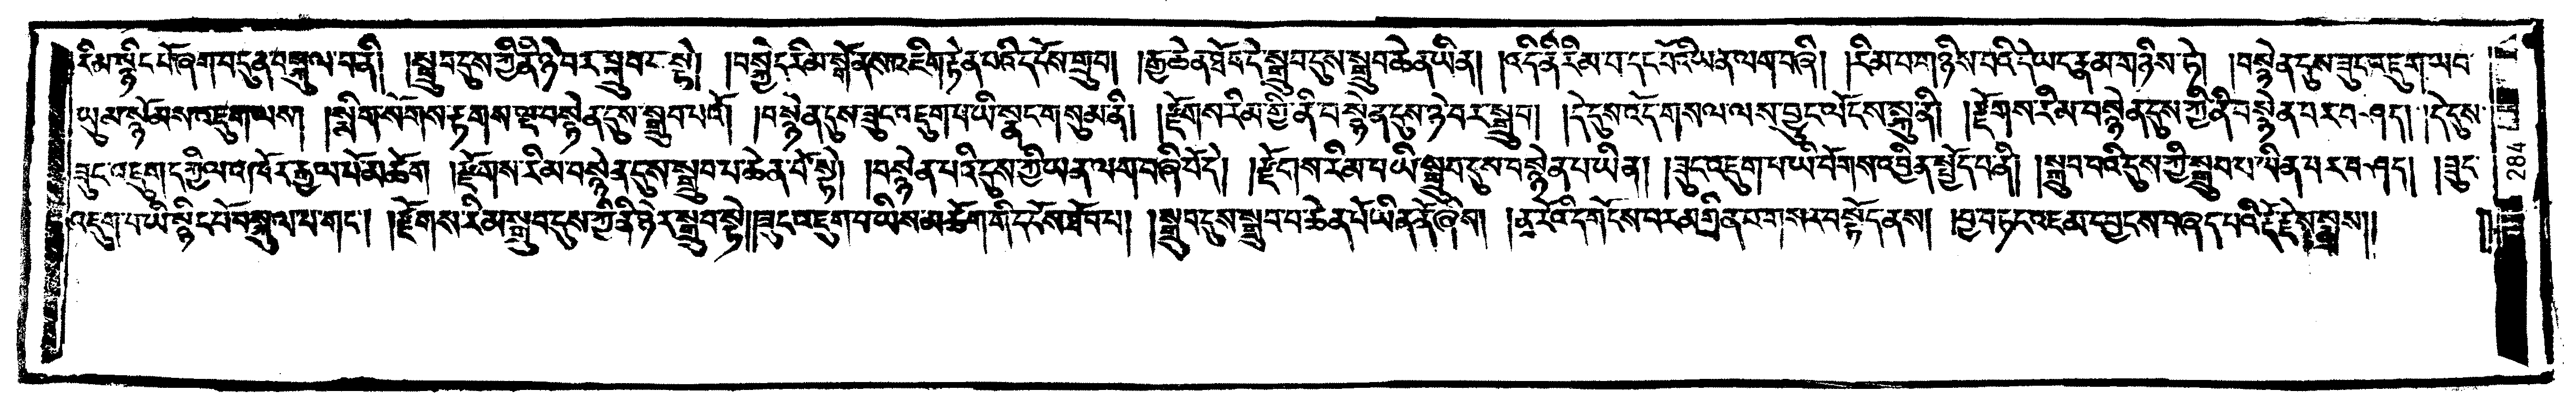རིམ་སྙིང་པོ་ཞག་བདུན་བསྐུལ་བ་ནི། །སྒྲུབ་དུས་ཀྱི་ནི་ཉེ་བར་སྒྲུབ་པ་སྟེ། །བསྐྱེད་རིམ་སྒོ་ནས་འཇིག་རྟེན་པའི་དངོས་གྲུབ། །རྒྱ་ཆེན་ཐོབ་དེ་སྒྲུབ་དུས་སྒྲུབ་ཆེན་ཡིན། །འདི་ནི་རིམ་པ་དང་པོའི་ཡན་ལག་བཞི། །རིམ་པ་གཉིས་པའི་དེ་ཡང་རྣམ་གཉིས་ཏེ། བསྙེན་དུས་ཟུང་འཇུག་ཡབ་
ཡུམ་སྙོམས་འཇུག་ལས། །སྨིག་སོགས་རྟགས་ལྔ་བསྙེན་དུས་སྒྲུབ་པའོ། །བསྙེན་དུས་ཟུང་འཇུག་པ་ཡི་སྣང་གསུམ་ནི། །རྫོགས་རིམ་གྱི་ནི་བསྙེན་དུས་ཉེ་བར་སྒྲུབ། །དེ་དུས་འོད་གསལ་ལས་བྱུང་ལོངས་སྐུ་ནི། །རྫོགས་རིམ་བསྙེན་དུས་ཀྱི་ནི་བསྙེན་པར་བཤད། །དེ་དུས་
ཟུང་འཇུག་དཀྱིལ་འཁོར་རྒྱལ་པོ་མཆོག །རྫོགས་རིམ་བསྙེན་དུས་སྒྲུབ་པ་ཆེན་པོ་སྟེ། །བསྙེན་པའི་དུས་ཀྱི་ཡན་ལག་བཞི་པོ་དེ། །རྫོགས་རིམ་པ་ཡི་སྒྲུབ་དུས་བསྙེན་པ་ཡིན། །ཟུང་འཇུག་པ་ཡི་བོགས་འབྱིན་སྤྱོད་པ་ནི། །སྒྲུབ་པའི་དུས་ཀྱི་སྒྲུབ་པ་ཡིན་པར་བཤད། །ཟུང་
འཇུག་པ་ཡི་སྙིང་པོ་བསྐུལ་པ་གང་། །རྫོགས་རིམ་སྒྲུབ་དུས་ཀྱི་ནི་ཉེར་སྒྲུབ་སྟེ། །ཟུང་འཇུག་པ་ཡིས་མཆོག་གི་དངོས་ཐོབ་པ། །སྒྲུབ་དུས་སྒྲུབ་པ་ཆེན་པོ་ཡིན་ནོ་ཞེས། །ནཱ་རོའི་དགོངས་པར་མགྲིན་པ་གསར་བསྟོད་ནས། །བྱ་བཏང་འཇམ་དབྱངས་བཞད་པའི་རྡོ་རྗེས་སྨྲས།། །།